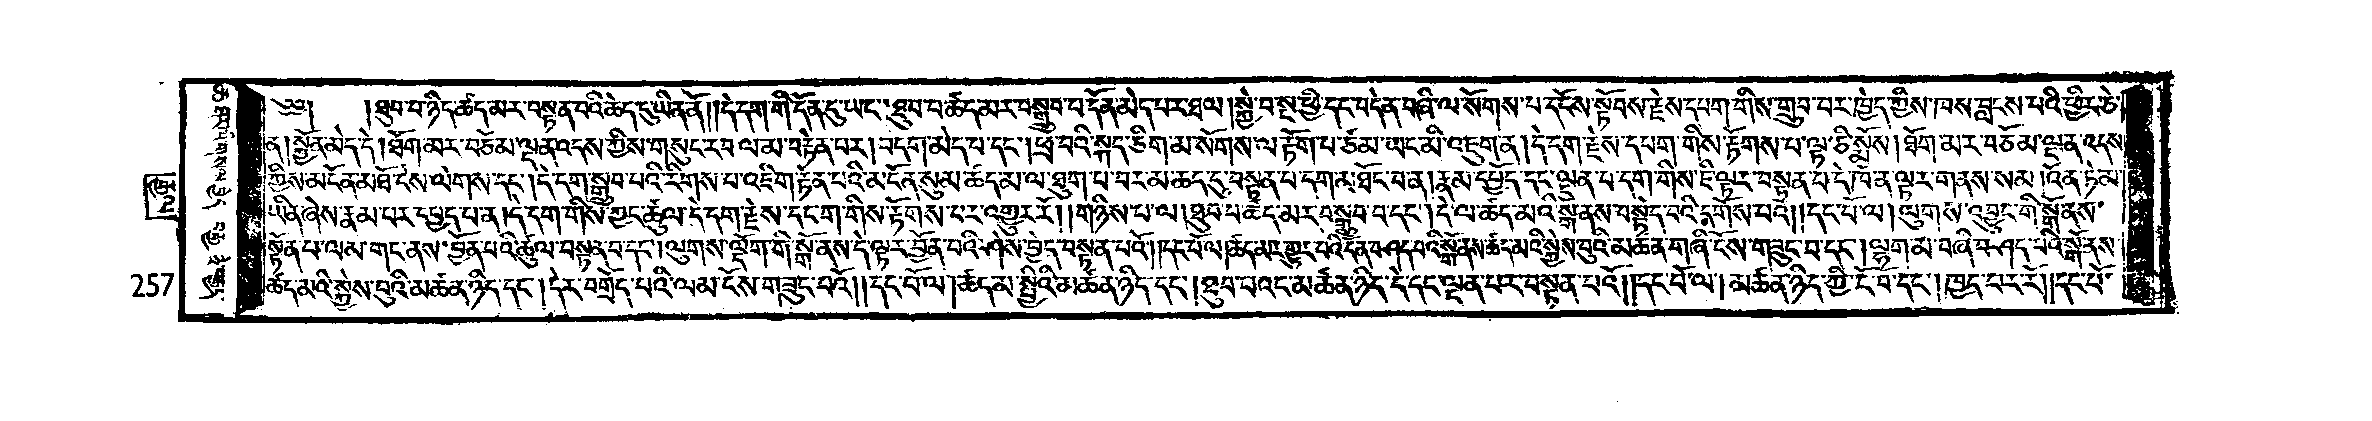༄༅། །ཐུབ་པ་ཉིད་ཚད་མར་བསྟན་པའི་ཆེད་དུ་ཡིན་ནོ། །དེ་དག་གི་དོན་དུ་ཡང་། ཐུབ་པ་ཚད་མར་བསྒྲུབ་པ་དོན་མེད་པར་ཐལ། སྐྱེ་བ་སྔ་ཕྱི་དང་བདེན་བཞི་ལ་སོགས་པ་དངོས་སྟོབས་རྗེས་དཔག་གིས་གྲུབ་པར་ཁྱེད་ཀྱིས་ཁས་བླངས་པའི་ཕྱིར་ཅེ་
ན། སྐྱོན་མེད་དེ། ཐོག་མར་བཅོམ་ལྡན་འདས་ཀྱིས་གསུང་རབ་ལ་མ་བརྟེན་པར། བདག་མེད་པ་དང་། ཕྲ་བའི་སྐད་ཅིག་མ་སོགས་ལ་རྟོག་པ་ཙམ་ཡང་མི་འཇུག་ན། དེ་དག་རྗེས་དཔག་གིས་རྟོགས་པ་ལྟ་ཅི་སྨོས། ཐོག་མར་བཅོམ་ལྡན་འདས་
ཀྱིས་མངོན་མཐོ་ངེས་ལེགས་དང་། དེ་དག་སྒྲུབ་པའི་རིགས་པ་འཇིག་རྟེན་པའི་མངོན་སུམ་ཚད་མ་ལ་ཐུག་པ་བར་མ་ཆད་དུ་བསྟན་པ་དག་མཐོང་བ་ན། རྣམ་དཔྱོད་དང་ལྡན་པ་དག་གིས་ཇི་ལྟར་བསྟན་པ་དེ་ཁོ་ན་ལྟར་གནས་སམ། འོན་ཏེ་མ་
ཡིན་ཞེས་རྣམ་པར་དཔྱད་པ་ན། དེ་དག་གིས་ཀྱང་ཚུལ་དེ་དག་རྗེས་དང་ག་གིས་རྟོགས་པར་འགྱུར་རོ། །གཉིས་པ་ལ། ཐུབ་པ་ཚད་མར་བསྒྲུབ་པ་དང་། དེ་ལ་ཚད་མའི་སྒོ་ནས་བསྟེད་པའི་དགོས་པའོ། །དང་པོ་ལ། ལུགས་འབྱུང་གི་སྒོ་ནས་
སྟོན་པ་ལམ་གང་ནས་བྱོན་པའི་ཚུལ་བསྟན་པ་དང་། ལུགས་ལྡོག་གི་སྒོ་ནས་དེ་ལྟར་བྱོན་པའི་ཤེས་བྱེད་བསྟན་པའོ། །དང་པོ་ལ། ཚད་མར་གྱུར་བའི་དོན་བཤད་པའི་སྒོ་ནས་ཚད་མའི་སྐྱེས་བུའི་མཚན་གཞི་ངོས་གཟུང་བ་དང་། ལྷག་མ་བཞི་བཤད་པའི་སྒོ་ནས་
ཚད་མའི་སྐྱེས་བུའི་མཚན་ཉིད་དང་། དེར་བགྲོད་པའི་ལམ་ངོས་གཟུང་བའོ། །དང་པོ་ལ། ཚད་མ་སྤྱིའི་མཚན་ཉིད་དང་། ཐུབ་པའང་མཚན་ཉིད་དེ་དང་ལྡན་པར་བསྟན་པའོ། །དང་པོ་ལ། མཚན་ཉིད་ཀྱི་ངོ་བོ་དང་། ཁྱད་པར་རོ། །དང་པོ་